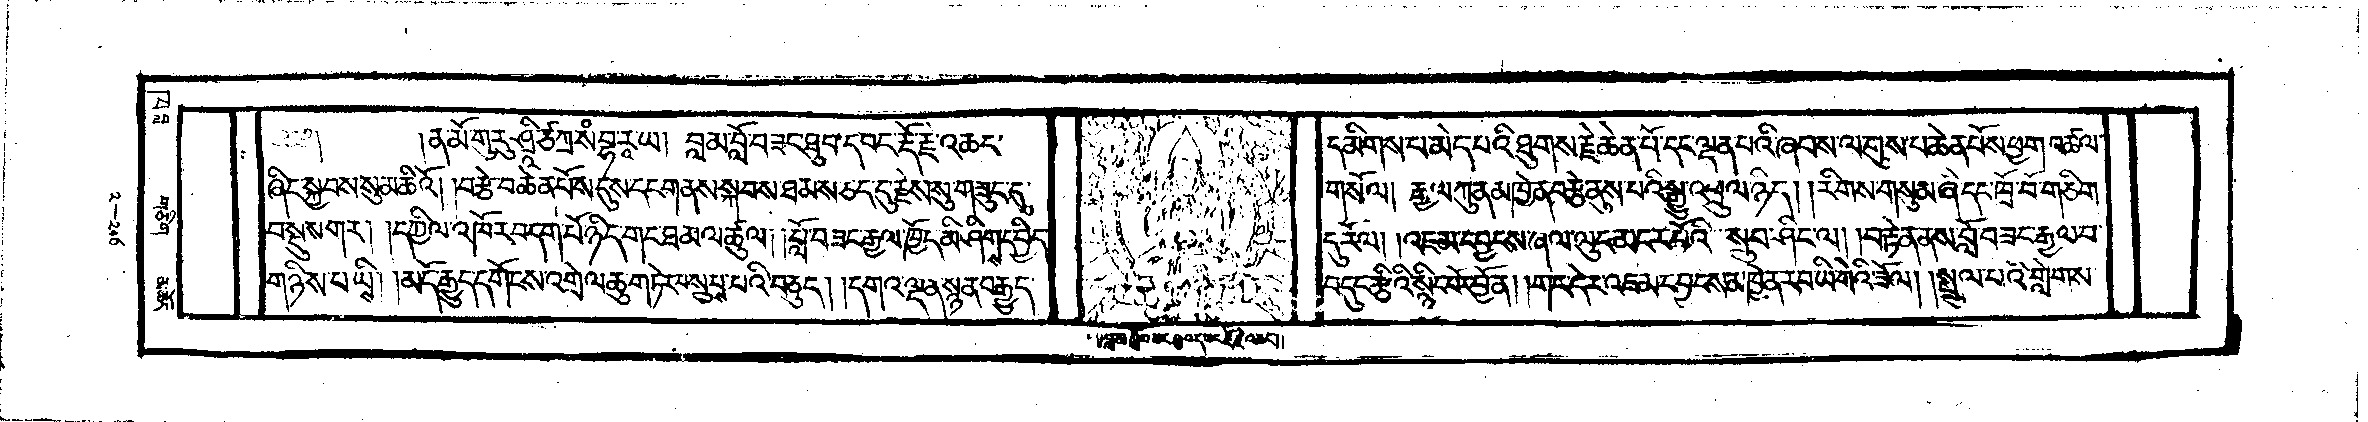༄༅། །ན་མོ་གུ་རུ་ཤྲཱི་ཙཀྲ་སཾ་བྷ་རཱ་ཡ། བླ་མ་བློ་བཟང་ཐུབ་དབང་རྡོ་རྗེ་འཆང་དམིགས་པ་མེད་པའི་ཐུགས་རྗེ་ཆེན་པོ་དང་ལྡན་པའི་ཞབས་ལ་གུས་པ་ཆེན་པོས་ཕྱག་འཚལ་
ཞིང་སྐྱབས་སུ་མཆིའོ། །བརྩེ་བ་ཆེན་པོས་དུས་དང་གནས་སྐབས་ཐམས་ཅད་དུ་རྗེས་སུ་གཟུང་དུ་གསོལ། རྒྱལ་ཀུན་མཁྱེན་བརྩེ་ནུས་པའི་སྒྱུ་འཕྲུལ་ཉིད། །རིགས་གསུམ་ཞི་དང་ཁྲོ་བོ་གཅིག་
བསྡུས་གར། །དཀྱིལ་འཁོར་བདག་པོ་ཉིད་གང་ཐ་མལ་ཚུལ། །བློ་བཟང་རྒྱལ་ཁྱོད་མི་ཤིགས་དཔྱིད་དུ་རོལ། །འཇམ་དབྱངས་ཞལ་ལུང་མངར་པོའི་སྒྲུབ་ཤིང་ལ། །བརྟེན་ནས་བློ་བཟང་རྒྱལ་བ་
གཉིས་པ་ཡིས། །མདོ་རྒྱུད་དགོངས་འགྲེལ་ཆུ་གཏེར་བསྲུབས་པའི་བཅུད། །དགའ་ལྡན་སྙན་བརྒྱུད་བདུད་རྩིའི་སྙིང་པོར་བྱོན། །གང་དེར་འཇམ་དབྱངས་མཁྱེན་རབ་ཡི་གེའི་ཟོལ། །སྤྲུལ་པའི་གླེགས་